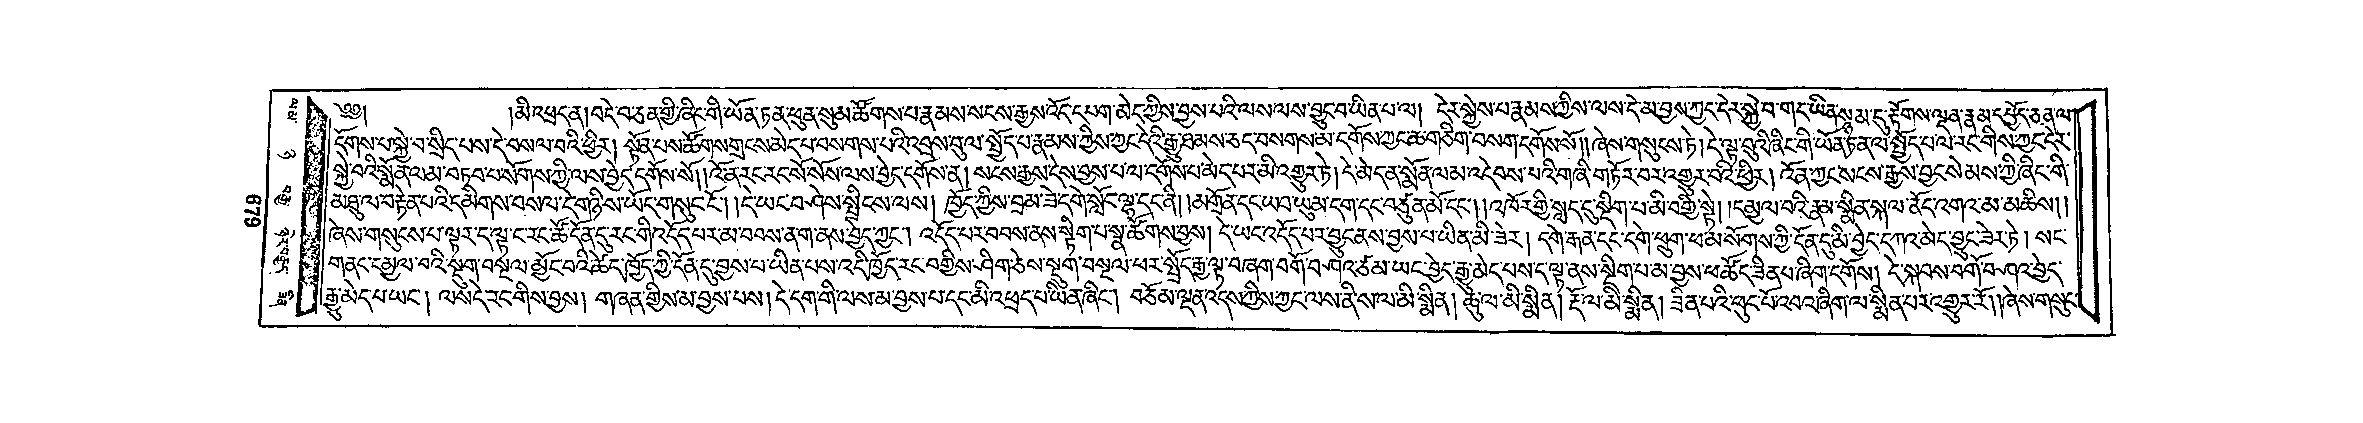༄༅། །མི་འཕྲད་ན། བདེ་བ་ཅན་གྱི་ཞིང་གི་ཡོན་ཏན་ཕུན་སུམ་ཚོགས་པ་རྣམས་སངས་རྒྱས་འོད་དཔག་མེད་ཀྱིས་བྱས་པའི་ལས་ལས་བྱུང་བ་ཡིན་པ་ལ། དེར་སྐྱེས་པ་རྣམས་ཀྱིས་ལས་དེ་མ་བྱས་ཀྱང་དེར་སྐྱེ་བ་གང་ཡིན་སྙམ་དུ་རྟོགས་ལྡན་རྣམ་དཔྱོད་ཅན་ལ་
དོགས་པ་སྐྱེ་བ་སྲིད་པས་དེ་བསལ་བའི་ཕྱིར། སྟོན་པས་ཚོགས་གྲངས་མེད་པ་བསགས་པའི་འབྲས་བུ་ལ་སྤྱོད་པ་རྣམས་ཀྱིས་ཀྱང་དེའི་རྒྱུ་ཐམས་ཅད་བསགས་མ་དགོས་ཀྱང་ཆ་གཅིག་བསག་དགོས་སོ། །ཞེས་གསུངས་ཏེ། དེ་ལྟ་བུའི་ཞིང་གི་ཡོན་ཏན་ལ་སྤྱོད་པ་ལ་རང་གིས་ཀྱང་དེར་
སྐྱེ་བའི་སྨོན་ལམ་བཏབ་པ་སོགས་ཀྱི་ལས་བྱེད་དགོས་སོ། །འོ་ན་རང་རང་སོ་སོས་ལས་བྱེད་དགོས་ན། སངས་རྒྱས་དེས་བྱས་པ་ལ་དགོས་པ་མེད་པར་མི་འགྱུར་ཏེ། དེ་མེད་ན་སྨོན་ལམ་འདེབས་པའི་གཞི་གཏོར་བར་འགྱུར་བའི་ཕྱིར། འོན་ཀྱང་སངས་རྒྱས་བྱང་སེམས་ཀྱི་ཞིང་གི་
མཐུ་ལ་བརྟེན་པའི་དམིགས་བསལ་དེ་གཉིས་ཡོད་གསུང་ངོ། །དེ་ཡང་བཤེས་སྤྲིངས་ལས། ཁྱོད་ཀྱིས་བྲམ་ཟེ་དགེ་སློང་ལྷ་དང་ནི། །མགྲོན་དང་ཡབ་ཡུམ་དག་དང་བཙུན་མོ་དང་། །འཁོར་གྱི་སླད་དུ་སྡིག་པ་མི་བགྱི་སྟེ། །དམྱལ་བའི་རྣམ་སྨིན་སྐལ་ནོད་འགའ་མ་མཆིས། །
ཞེས་གསུངས་པ་ལྟར་ད་ལྟར་ང་རང་ཚོ་དོན་དུ་རང་གི་འདོད་པར་མ་བབས་ན་ག་ནས་བྱེད་ཀྱང་། འདོད་པར་བབས་ནས་སྟིག་པ་སྣ་ཚོགས་བྱས། དེ་ཡང་འདོད་པར་བྱུང་ནས་བྱས་པ་ཡིན་མི་ཟེར། དགེ་རྒན་དང་དགེ་ཕྲུག་ཕ་མ་སོགས་ཀྱི་དོན་དུ་མི་བྱེད་དཀའ་མེད་བྱུང་ཟེར་ཏེ། སང་
གནང་དམྱལ་བའི་སྡུག་བསྔལ་མྱོང་བའི་ཚེད་ཁྱོད་ཀྱི་དོན་དུ་བྱས་པ་ཡིན་པས་འདི་ཁྱོད་རང་བགྱིས་ཤིག་ཅེས་སྡུག་བསྔལ་ཕར་སྤྲོད་རྒྱ་ལྟ་བཞག་བགོ་བཤའ་ཙམ་ཡང་བྱེད་རྒྱུ་མེད་པས་ད་ལྟ་ནས་སྡིག་པ་མ་བྱས་ཕ་ཚོད་ཟིན་པ་ཞིག་དགོས། དེ་སྐབས་བགོ་བཤའ་བྱེད་
རྒྱུ་མེད་པ་ཡང་། ལས་དེ་རང་གིས་བྱས། གཞན་གྱིས་མ་བྱས་པས། དེ་དག་གི་ལས་མ་བྱས་པ་དང་མི་འཕྲད་པ་ཡིན་ཞིང་། བཅོམ་ལྡན་འདས་ཀྱིས་ཀྱང་ལས་ནི་ས་ལ་མི་སྨིན། ཆུ་ལ་མི་སྨིན། རྡོ་ལ་མི་སྨིན། ཟིན་པའི་ཕུང་པོ་འབའ་ཞིག་ལ་སྨིན་པར་འགྱུར་རོ། །ཞེས་གསུང་